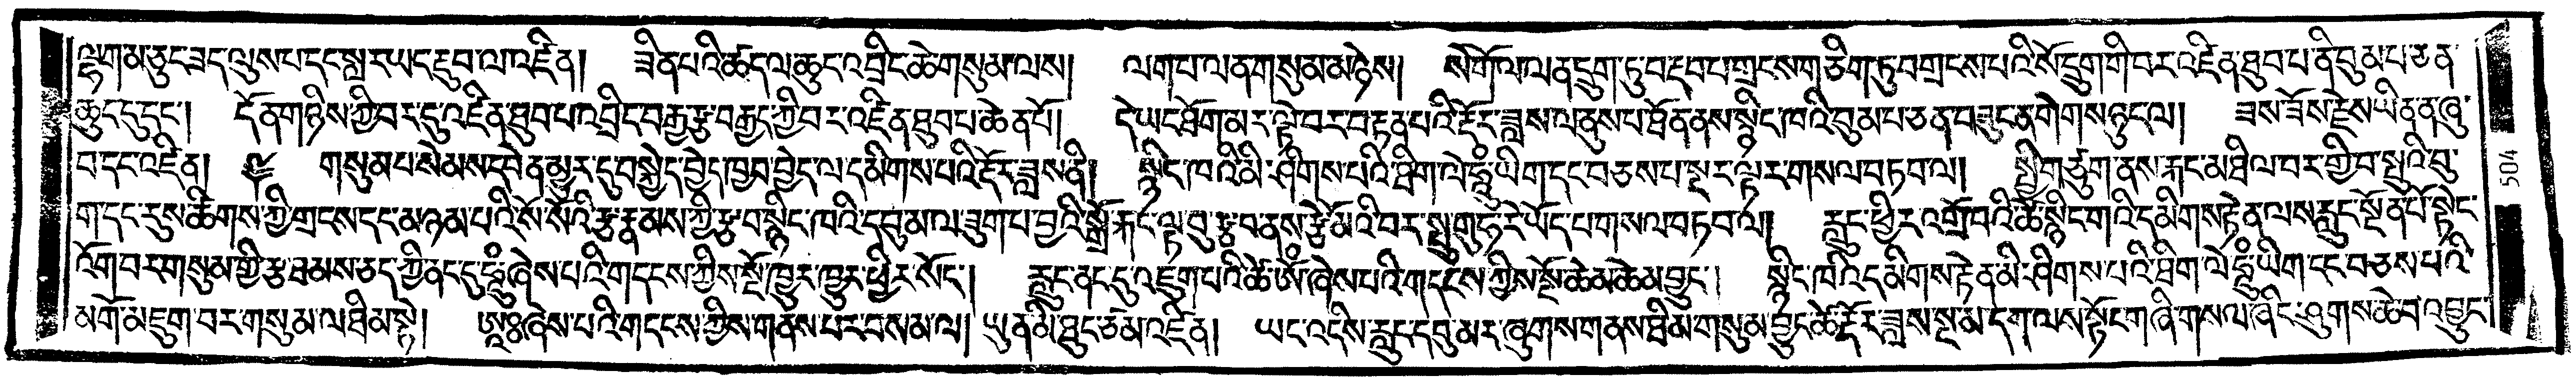ལྷག་མ་ཅུང་ཟད་ལུས་པ་དང་སླར་ཡང་རྡུབ་ལ་འཛིན། ཟིན་པའི་ཚད་ལ་ཆུང་འབྲིང་ཆེ་གསུམ་ལས། ལག་པ་ལན་གསུམ་མཉེས། སེ་གོལ་ལན་དྲུག་ཏུ་བརྡབ་པ་གྲངས་གཅིག་ཏུ་བགྲངས་པའི་སོ་དྲུག་གི་བར་འཛིན་ཐུབ་པ་ནི་བུམ་པ་ཅན་
ཆུང་ངུ་དང་། དོན་གཉིས་ཀྱི་བར་དུ་འཛིན་ཐུབ་པ་འབྲིང་བརྒྱ་རྩ་བརྒྱད་ཀྱི་བར་འཛིན་ཐུབ་པ་ཆེན་པོ། དེ་ཡང་ཐོག་མར་ལྟེ་བར་བརྟན་པའི་རྡོར་ཟླས་ལ་ནུས་པ་ཐོན་ནས་སྙིང་ཁའི་བུམ་པ་ཅན་བཟུང་ན་གེགས་ཉུང་ལ། ཟས་ཟོས་རྗེས་ཡིན་ན་ཞུ་
བ་དང་འཛིན། ༈ གསུམ་པ་སེམས་དབེན་མྱུར་དུ་བསྐྱེད་བྱེད་ཁྱབ་བྱེད་ལ་དམིགས་པའི་རྡོར་ཟླས་ནི། སྙིང་ཁའི་མི་ཤིགས་པའི་ཐིག་ལེ་ཧཱུཾ་ཡིག་དང་བཅས་པ་སྔར་ལྟར་གསལ་བཏབ་ལ། སྤྱི་གཙུག་ནས་རྐང་མཐིལ་བར་གྱི་བ་སྤུའི་བུ་
ག་དང་རུས་ཚིགས་ཀྱི་གྲངས་དང་མཉམ་པའི་སོ་སོའི་རྩ་རྣམས་ཀྱི་རྩ་བ་སྙིང་ཁའི་དབུ་མ་ལ་ཟུག་པ་བྱའི་སྒྲོ་རྐང་ལྟ་བུ་རྩ་བ་ནས་རྩེ་མོའི་བར་སྤུ་གུ་ཧ་རེ་ཡོད་པ་གསལ་བཏབ་ལ། རླུང་ཕྱིར་འགྲོ་བའི་ཚེ་སྙིང་གའི་དམིགས་རྟེན་ལས་རླུང་སྔོན་པོ་སྟེང་
འོག་བར་གསུམ་གྱི་རྩ་ཐམས་ཅད་ཀྱི་ནང་དུ་ཧཱུཾ་ཞེས་པའི་གདངས་ཀྱིས་སྔོ་ཁྱུར་ཁྱུར་ཕྱིར་སོང་། རླུང་ནང་དུ་འཇུག་པའི་ཚེ་ཨོཾ་ཞེས་པའི་གདངས་ཀྱིས་སྔོ་ཆེམ་ཆེམ་བྱུང་། སྙིང་ཁའི་དམིགས་རྟེན་མི་ཤིགས་པའི་ཐིག་ལེ་ཧཱུཾ་ཡིག་དང་བཅས་པའི་
མགོ་མཇུག་བར་གསུམ་ལ་ཐིམ་སྟེ། ཨཱཿཞེས་པའི་གདངས་ཀྱིས་གནས་པར་བསམ་ལ། ཡུན་མི་ཐུང་ཙམ་འཛིན། ཡང་འདིས་རླུང་དབུ་མར་ཞུགས་གནས་ཐིམ་གསུམ་བྱུང་ཚེ་རྡོར་ཟླས་སྔ་མ་དག་ལས་སྟོང་གཞི་གསལ་ཞིང་ཤུགས་ཆེ་བ་འབྱུང་